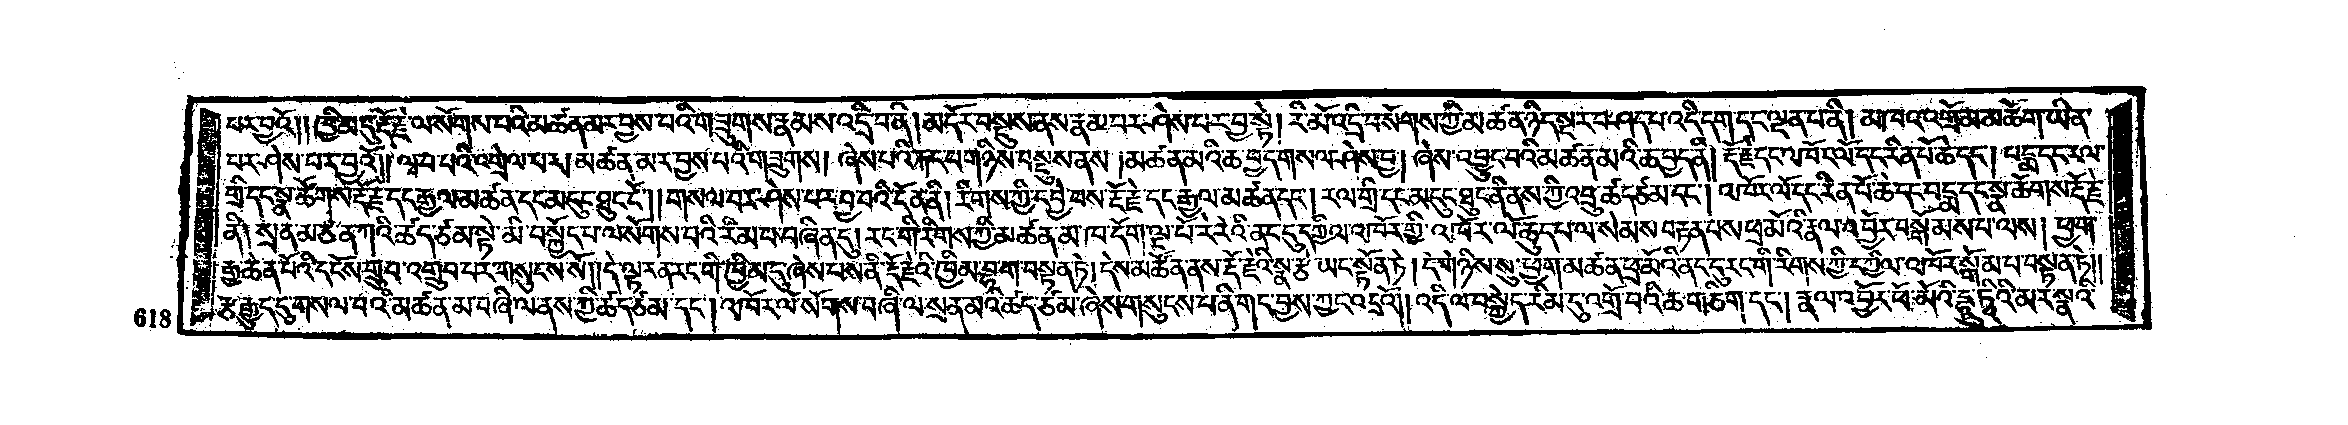པར་བྱའོ། །ཁྱིམ་དུ་རྡོ་རྗེ་ལ་སོགས་པའི་མཚན་མར་བྱས་པའི་གཟུགས་རྣམས་འདྲི་བ་ནི། མདོར་བསྡུས་ནས་རྣམ་པར་ཤེས་པར་བྱ་སྟེ། རི་མོ་འདྲི་བ་སོགས་ཀྱི་མཚན་ཉིད་སྔར་བཤད་པ་འདེ་དག་དང་ལྡན་པ་ནི། མཁའ་འགྲོ་མ་མཆོག་ཡིན་
པར་ཤེས་པར་བྱའོ། །ལྭ་བ་པའི་འགྲེལ་པར། མཚན་མར་བྱས་པའི་གཟུགས། ཞེས་པའི་རྐང་པ་གཉིས་བསྡུས་ནས། མཚན་མའི་ཆ་བྱད་གསལ་ཤེས་བྱ། ཞེས་འབྱུང་བའི་མཚན་མའི་ཆ་བྱད་ནི། རྡོ་རྗེ་དང་འཁོར་ལོ་དང་རིན་པོ་ཆེ་དང་། པདམ་དང་རལ་
གྲི་དང་སྣ་ཚོགས་རྡོ་རྗེ་དང་རྒྱལ་མཚན་དང་མདུང་ཐུང་ངོ། །གསལ་བར་ཤེས་པར་བྱ་བའི་དོན་ནི། རིགས་ཀྱི་དབྱེ་བས་རྡོ་རྗེ་དང་རྒྱལ་མཚན་དང་། རལ་གྲི་དང་མདུང་ཐུང་ནི་ནས་ཀྱི་འབྲུ་ཚད་ཙམ་དང་། འཁོར་ལོ་དང་རིན་པོ་ཆེ་དང་པདམ་དང་སྣ་ཚོགས་རྡོ་རྗེ་
ནི། སྲན་མ་ཙ་ན་ཀའི་ཚད་ཙམ་སྟེ་མི་བསྐྱོད་པ་ལ་སོགས་པའི་རིམ་པ་བཞིན་དུ། རང་གི་རིགས་ཀྱི་མཚན་མ་ཁ་དོག་ལྔ་པོ་རེ་རེའི་ནང་དུ་དཀྱིལ་འཁོར་གྱི་འཁོར་ལོ་ཆུད་པ་ལ་སེམས་བརྟན་པས་ཕྲ་མོའི་རྣལ་འབྱོར་བསྒོམས་པ་ལས། ཕྱག་
རྒྱ་ཆེན་པོའི་དངོས་གྲུབ་འགྲུབ་པར་གསུངས་སོ། །དེ་ལྟར་ན་རང་གི་ཁྱིམ་དུ་ཞེས་པས་ནི་རྡོ་རྗེའི་ཁྱིམ་བྷ་ག་བསྟན་ཏེ། དེས་མཚོན་ནས་རྡོ་རྗེའི་སྣ་རྩེ་ཡང་སྟོན་ཏེ། དེ་གཉིས་སུ་ཕྱག་མཚན་ཕྲ་མོའི་ནང་དུ་རང་གི་རིགས་ཀྱི་དཀྱིལ་འཁོར་སྒོམ་པ་བསྟན་ཏེ། །
རྩ་རྒྱུད་དུ་གསལ་བའི་མཚན་མ་བཞི་ལ་ནས་ཀྱི་ཚད་ཙམ་དང་། འཁོར་ལོ་སོགས་བཞི་ལ་སྲན་མའི་ཚད་ཙམ་ཞེས་གསུངས་པ་ནི་གང་བྱས་ཀྱང་འདྲའོ། །འདི་ལ་བསྐྱེད་རིམ་དུ་འགྲོ་བའི་ཆ་གཅིག་དང་། རྣལ་འབྱོར་ཕོ་མོའི་དྷཱུ་ཏཱིའི་མར་སྣའི་